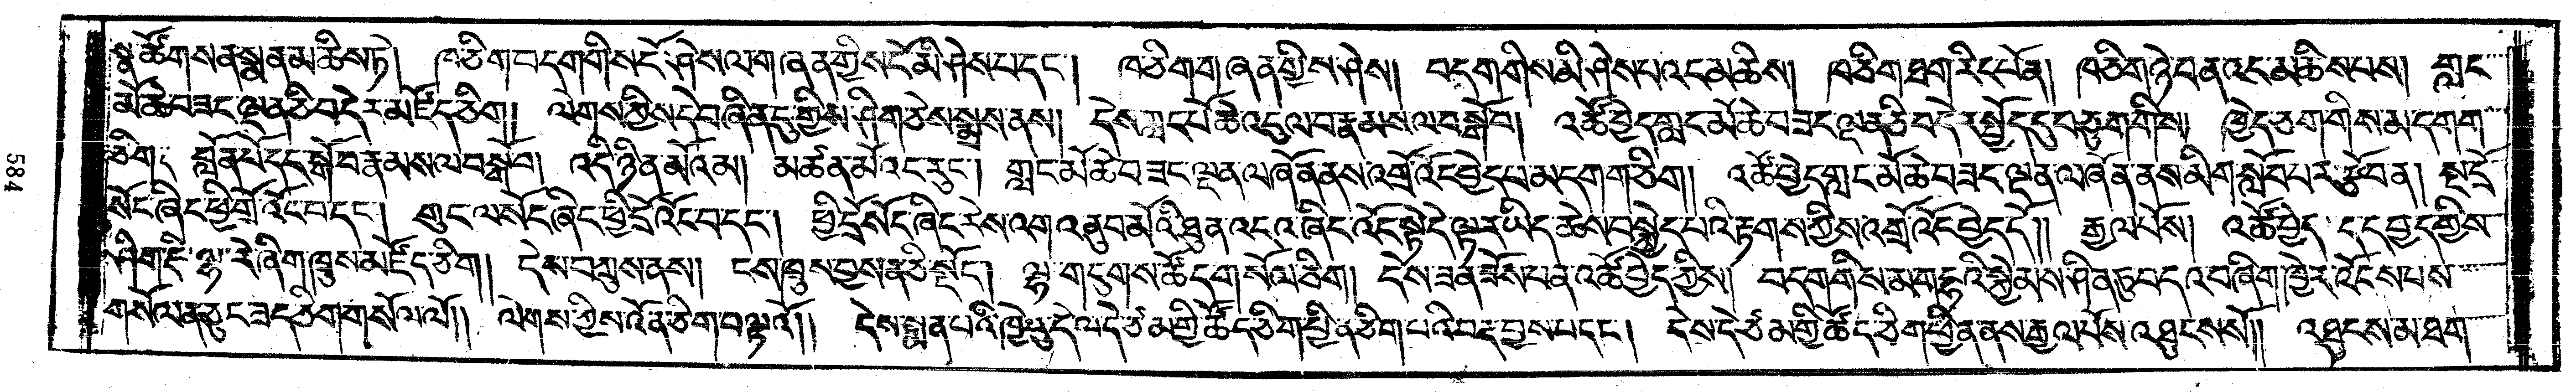སྣ་ཚོགས་ན་སྨན་མཆིས་ཏེ། ཁ་ཅིག་བདག་གིས་ངོ་ཤེས་ལ་གཞན་གྱིས་ངོ་མི་ཤེས་པ་དང་། ཁ་ཅིག་གཞན་གྱིས་ཤེས། བདག་གིས་མི་ཤེས་པའང་མཆིས། ཁ་ཅིག་ཐག་རིང་པོ་ན། ཁ་ཅིག་ཉེ་བ་ནའང་མཆིས་པས། གླང་
མོ་ཆེ་བཟང་ལྡན་ཅི་བདེར་མཛོད་ཅིག། ལེགས་ཀྱིས་དེ་བཞིན་དུ་གྱིས་ཤིག་ཅེས་སྨྲས་ནས། དེས་གླང་པོ་ཆེ་འདུལ་བ་རྣམས་ལ་བསྒོ་བ། འཚོ་བྱེད་གླང་མོ་ཆེ་བཟང་ལྡན་ཅི་བདེར་སྤྱོད་དུ་བཅུག་གིས། ཁྱེད་ཅག་གིས་མ་དགག་
ཅིག༑ བློན་པོ་དང་སྒོ་བ་རྣམས་ལ་བསྒོབ། འདི་ཉིན་མོའམ། མཚན་མོའང་རུང་། གླང་མོ་ཆེ་བཟང་ལྡན་ལ་ཞོན་ནས་འགྲོ་འོང་བྱེད་པ་མདག་གཅིག། འཚོ་བྱེད་གླང་མོ་ཆེ་བཟང་ལྡན་ལ་ཞོན་ནས་མིག་སློབ་པར་རྩོབ་ན། སྔ་དྲོ་
སོང་ཞིང་ཕྱི་གྲོ་འོང་བ་དང་། གུང་ལ་སོང་ཞིང་ཕྱི་དྲོ་འོང་བ་དང་། ཕྱི་དྲོ་སོང་ཞིང་རེས་འགའ་ནུབ་མོའི་ཐུན་འང་ཞིང་འོང་སྟེ་དེ་ལྟར་ཡིད་ཆེས་བསྐྱེད་པའི་རྟགས་ཀྱིས་འགྲོ་འོང་བྱེད་དོ།། རྒྱལ་པོས། འཚོ་བྱེད་དད་བྱད་ཀྱི་
ཤིག་ཇི་ལྷ་རེ་ཞིག་ཁྲུས་མཛོད་ཅིག། དེས་བཀྲུས་ནས། ངས་ཁྲུས་བྱས་ན་ཅི་སྡོང་། ལྷ་གདུག་ཚོད་གསོལ་ཅིག། དེས་ཟན་ཟོས་པ་ན་འཚོ་བྱེད་ཀྱིས། བདག་གིས་མ་གངྷའི་སྐྱེམས་ཤིན་ཏུ་བདའ་བཞིག་ཁྱེར་འོངས་པས་
གསོལ་ན་ཅུང་ཟད་ཅིག་གསོལ་ལོ།། ལེགས་ཀྱིས་འོ་ན་ཅིག་བལྟའོ།། དེས་སྨན་པའི་ཁྱེའུ་དེ་ལ་དེ་ཙམ་གྱི་ཚོད་ཅིག་བྱིན་ཅིག་པའི་བརྡ་བྱས་པ་དང་། དེས་དེ་ཙམ་གྱི་ཚོད་ཅིག་ཕྱིན་ནས་རྒྱལ་པོས་འཐུངས་སོ།། འཐུངས་མ་ཐག་